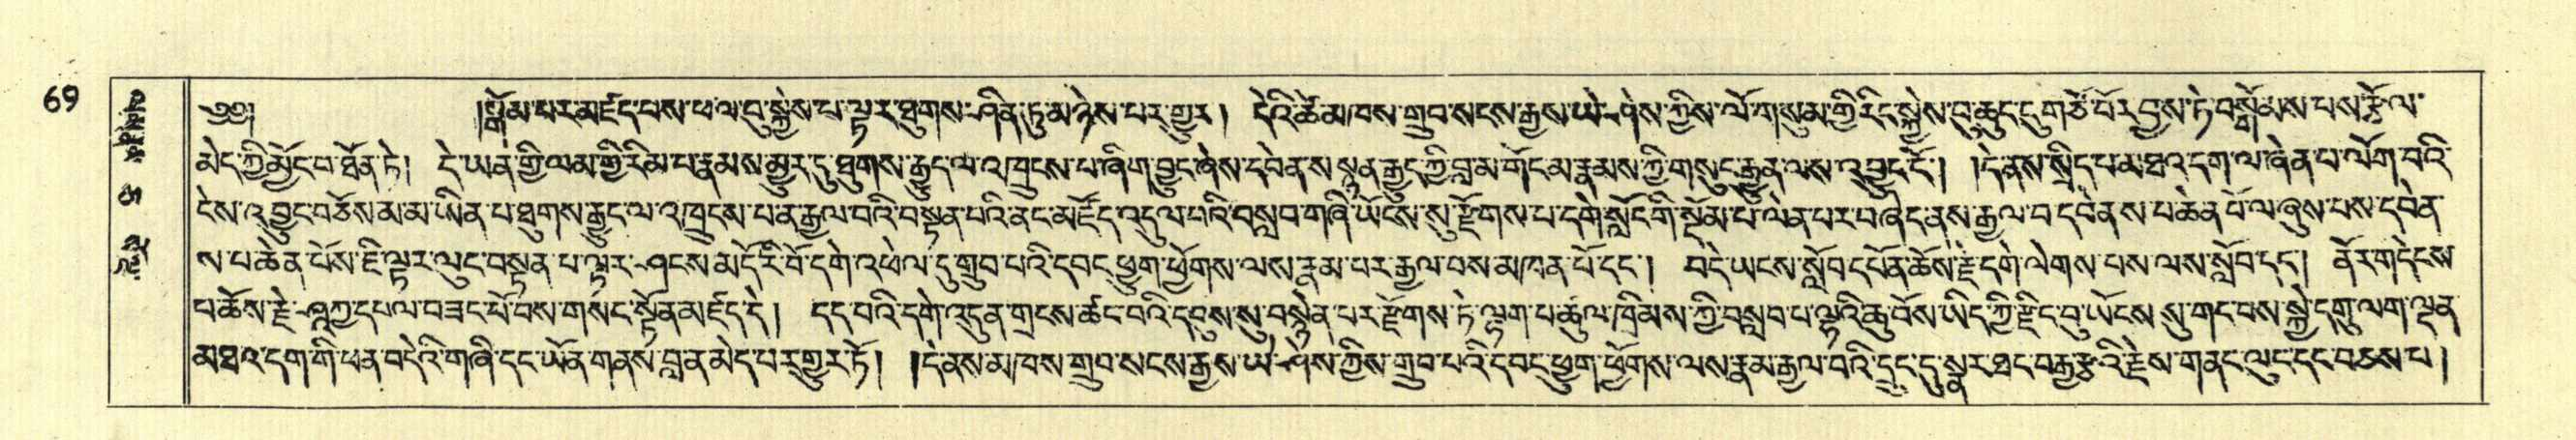༄༅། །སྒོམ་པར་མཛད་བས་ཕལ་བུ་སྐྱེས་པ་ལྟར་ཐུགས་ཤིན་ཏུ་མཉེས་པར་གྱུར། དེའི་ཚེ་མཁས་གྲུབ་སངས་རྒྱས་ཡེ་ཤེས་ཀྱིས་ལོ་གསུམ་གྱི་རིང་སྐྱེས་བུ་ཆུང་དུ་གཙོ་བོར་བྱས་ཏེ་བསྒོམས་པས་རྩོལ་
མེད་ཀྱི་མྱོང་བ་ཐོན་ཏེ། དེ་ཡན་གྱི་ལམ་གྱི་རིམ་པ་རྣམས་མྱུར་དུ་ཐུགས་རྒྱུད་ལ་འཁྲུངས་པ་ཞིག་བྱུང་ཞེས་དབེན་ས་སྙན་རྒྱུད་ཀྱི་བླ་མ་གོང་མ་རྣམས་ཀྱི་གསུང་རྒྱུན་ལས་འབྱུང་ངོ། །དེ་ནས་སྲིད་པ་མཐའ་དག་ལ་ཞེན་པ་ལོག་བའི་
ངེས་འབྱུང་བཅོས་མ་མ་ཡིན་པ་ཐུགས་རྒྱུད་ལ་འཁྲུངས་པ་ན་རྒྱལ་བའི་བསྟན་པའི་ནང་མཛོད་འདུལ་བའི་བསླབ་གཞི་ཡོངས་སུ་རྫོགས་པ་དགེ་སློང་གི་སྡོམ་པ་ལེན་པར་བཞེད་ནས་རྒྱལ་བ་དབེན་ས་པ་ཆེན་པོ་ལ་ཞུས་པས་དབེན་
ས་པ་ཆེན་པོས་ཇི་ལྟར་ལུང་བསྟན་པ་ལྟར་ཤངས་མདོ་རི་བོ་དགེ་འཕེལ་དུ་གྲུབ་པའི་དབང་ཕྱུག་ཕྱོགས་ལས་རྣམ་པར་རྒྱལ་བས་མཁན་པོ་དང་། བདེ་ཡངས་སློབ་དཔོན་ཆོས་རྗེ་དགེ་ལེགས་པས་ལས་སློབ་དང་། ནོར་གདེངས་
པ་ཆོས་རྗེ་ཤཱཀྱ་དཔལ་བཟང་པོ་བས་གསང་སྟོན་མཛད་དེ། དད་པའི་དགེ་འདུན་གྲངས་ཚང་བའི་དབུས་སུ་བསྙེན་པར་རྫོགས་ཏེ་ལྷག་པ་ཚུལ་ཁྲིམས་ཀྱི་བསླབ་པ་ལྷའི་ཆུ་བོས་ཡིད་ཀྱི་རྫིང་བུ་ཡོངས་སུ་གང་བས་སྐྱེ་དགུ་ལག་ལྡན་
མཐའ་དག་གི་ཕན་བདེའི་གཞི་དང་ཡོན་གནས་བླ་ན་མེད་པར་གྱུར་ཏོ། །དེ་ནས་མཁས་གྲུབ་སངས་རྒྱས་ཡེ་ཤེས་ཀྱིས་གྲུབ་པའི་དབང་ཕྱུག་ཕྱོགས་ལས་རྣམ་རྒྱལ་བའི་དྲུང་དུ་སྣར་ཐང་བརྒྱ་རྩའི་རྗེས་གནང་ལུང་དང་བཅས་པ།